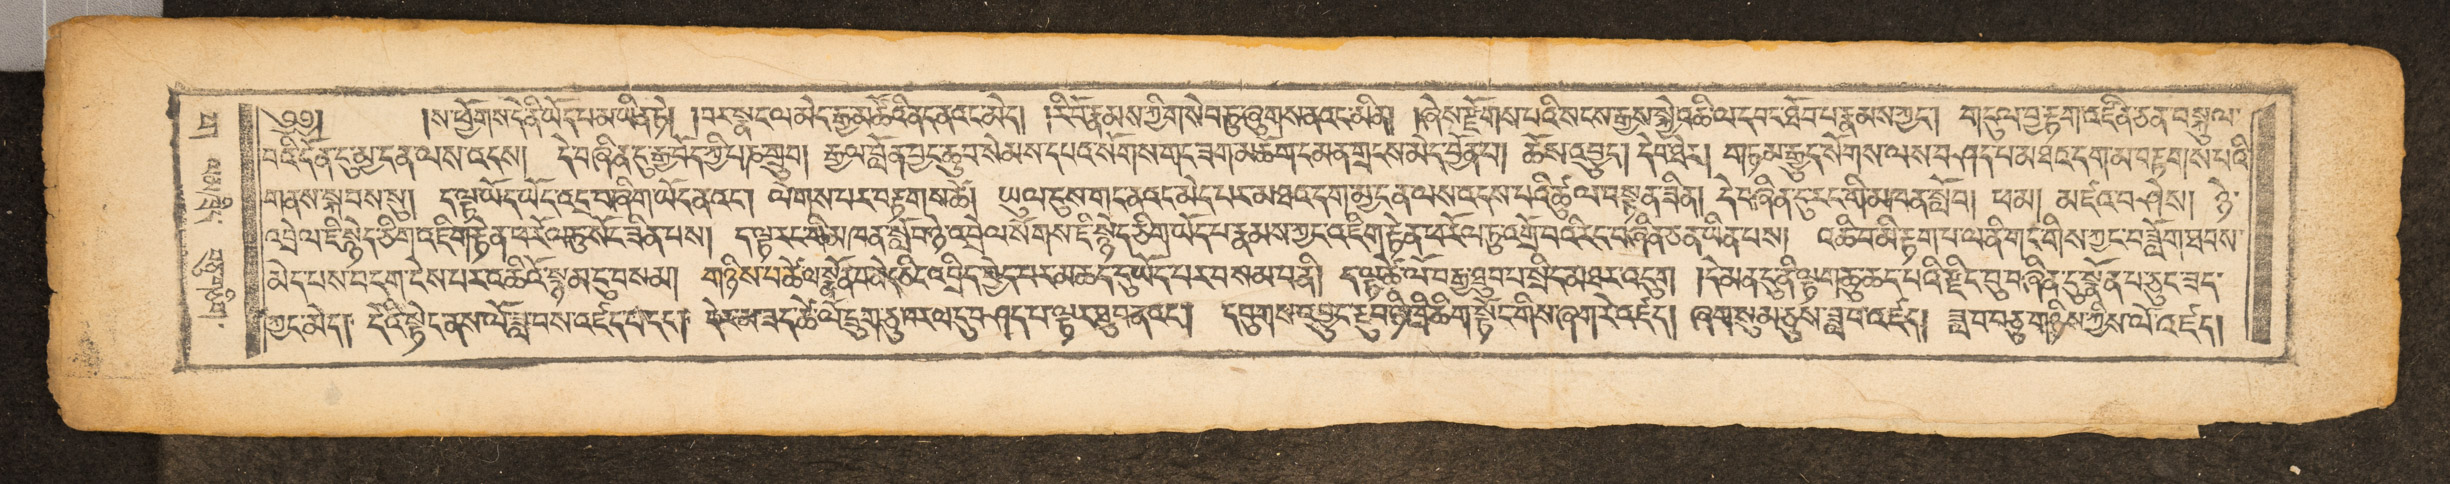༄༅། །ས་ཕྱོགས་དེ་ནི་ཡོད་པ་མ་ཡིན་ཏེ། །བར་སྣང་ལ་མེད་རྒྱ་མཚོའི་ནང་ནའང་མེད། །རི་བོ་རྣམས་ཀྱི་གསེབ་ཏུ་ཞུགས་ནའང་མིན། །ཞེས་རྫོགས་པའི་སངས་རྒྱས་སྐྱེ་འཆི་ལ་དབང་ཐོབ་པ་རྣམས་ཀྱང་། གདུལ་བྱ་རྟག་འཛིན་ཅན་བསྐུལ་
བའི་དོན་དུ་མྱ་ངན་ལས་འདས། དེ་བཞིན་དུ་རྒྱ་བོད་ཀྱི་པཎ་གྲུབ། རྒྱལ་བློན་བྱང་ཆུབ་སེམས་དཔའ་སོགས་གང་ཟག་མཆོག་དམན་གྲངས་མེད་བྱོན་པ། ཆོས་འབྱུང་། དེབ་ཐེར། གཏམ་རྒྱུད་སོགས་ལས་བཤད་པ་མཐའ་དག་མ་བརྟགས་པའི་
གནས་སྐབས་སུ། ད་ལྟ་ཡོད་ཡོད་འདྲ་བ་ཞིག་ཡོད་ནའང་། ལེགས་པར་བརྟགས་ཚེ། ཡུལ་དུས་གང་ནའང་མེད་པར་མཐའ་དག་མྱ་ངན་ལས་འདས་པའི་ཚུལ་བསྟན་ཟིན། དེ་བཞིན་དུ་རང་གི་མཁན་སློབ། ཕམ། མཛའ་བཤེས། ཉེ་
འབྲེལ་ཇི་སྙེད་ཅིག་འཇིག་རྟེན་ཕ་རོལ་ཏུ་སོང་ཟིན་པས། ད་ལྟ་རང་གི་མཁན་སློབ་ཉེ་འབྲེལ་སོགས་ཇི་སྙེད་ཅིག་ཡོད་པ་རྣམས་ཀྱང་འཇིག་རྟེན་ཕ་རོལ་ཏུ་འགྲོ་བའི་རང་བཞིན་ཅན་ཡིན་པས། འཆི་བ་མི་རྟག་པ་ལ་ནི་གང་གིས་ཀྱང་བཟློག་ཐབས་
མེད་པས་བདག་ངེས་པར་འཆིའོ་སྙམ་དུ་བསམ། གཉིས་པ་ཚེ་ལ་སྣོན་བ་མེད་ཅིང་འབྲིད་བྱེད་པར་མཆད་དུ་ཡོད་པར་བསམ་པ་ནི། ད་ལྟ་ཚེ་ལོ་བརྒྱ་ཐུབ་པ་སྲིད་མཐར་འདུག །དེ་མན་དུ་ནི་ལྟག་ཆུ་ཆད་པའི་རྫིང་བུ་བཞིན་དུ་སྣོན་པ་ཅུང་ཟད་
ཀྱང་མེད། དེའི་སྟེང་ནས་ལོ་ཟླ་བས་འཛད་པ་དང་། དེར་མ་ཟད་ཚེ་ལོ་དྲུག་ཅུ་བ་རལ་དུ་བཤད་པ་ལྟར་ཐུབ་ནའང་། དབུགས་འབྱུང་རྡུབ་ཉི་ཁྲི་ཆིག་སྟོང་གིས་ཞག་རེ་འཛད། ཞག་སུམ་ཅུས་ཟླ་བ་འཛད། ཟླ་བ་བཅུ་གཉིས་ཀྱིས་ལོ་འཛད།